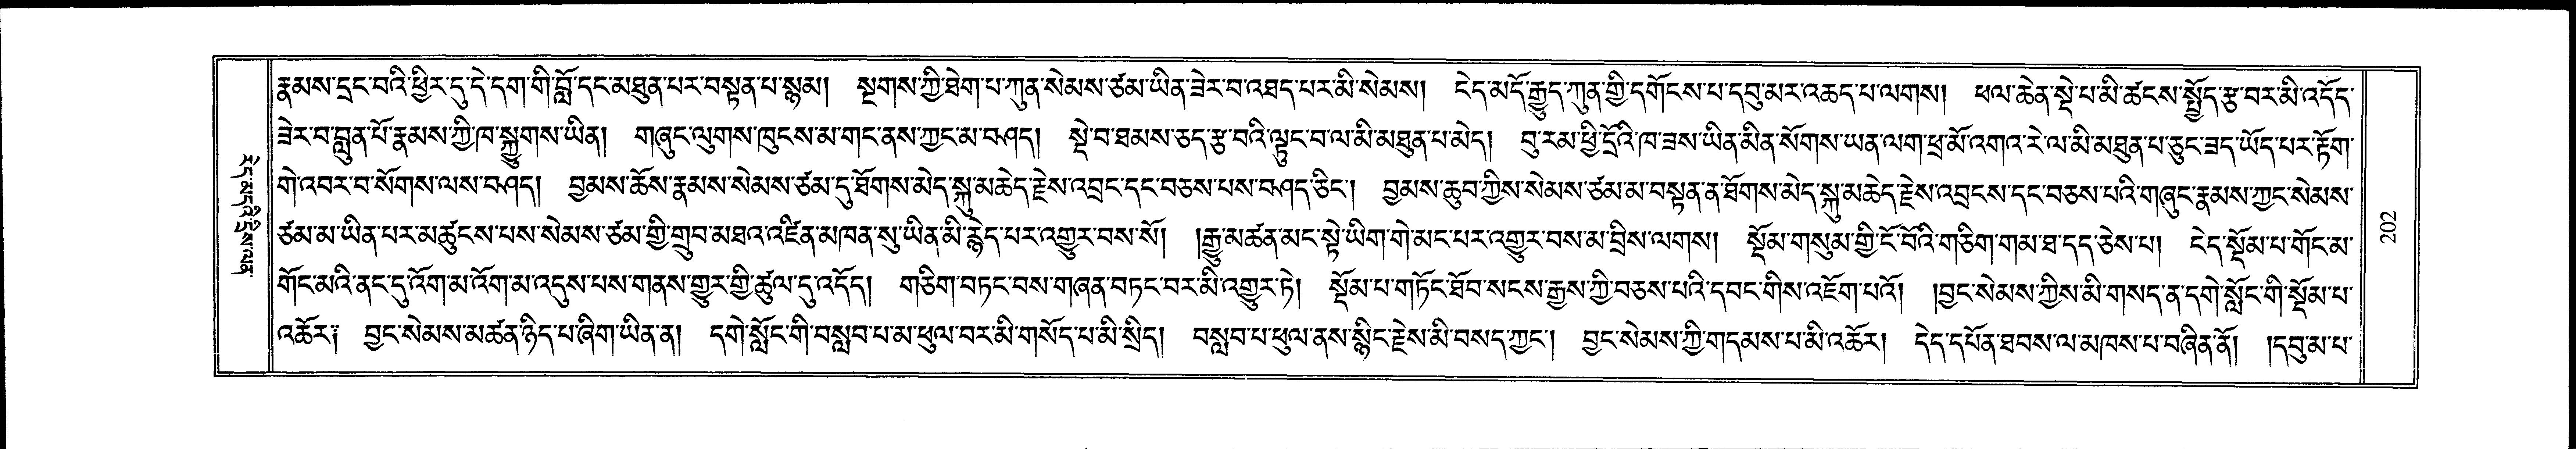རྣམས་དྲང་བའི་ཕྱིར་དུ་དེ་དག་གི་བློ་དང་མཐུན་པར་བསྟན་པ་སྙམ། སྔགས་ཀྱི་ཐེག་པ་ཀུན་སེམས་ཙམ་ཡིན་ཟེར་བ་འཐད་པར་མི་སེམས། ངེད་མདོ་རྒྱུད་ཀུན་གྱི་དགོངས་པ་དབུ་མར་འཆད་པ་ལགས། ཕལ་ཆེན་སྡེ་པ་མི་ཚངས་སྤྱོད་རྩ་བར་མི་འདོད་
ཟེར་བ་བླུན་པོ་རྣམས་ཀྱི་ཁ་སྐྱུགས་ཡིན། གཞུང་ལུགས་ཁུངས་མ་གང་ནས་ཀྱང་མ་བཤད། སྡེ་བ་ཐམས་ཅད་རྩ་བའི་ལྟུང་བ་ལ་མི་མཐུན་པ་མེད། བུ་རམ་ཕྱི་དྲོའི་ཁ་ཟས་ཡིན་མིན་སོགས་ཡན་ལག་ཕྲ་མོ་འགའ་རེ་ལ་མི་མཐུན་པ་ཅུང་ཟད་ཡོད་པར་རྟོག་
གེ་འབར་བ་སོགས་ལས་བཤད། བྱམས་ཆོས་རྣམས་སེམས་ཙམ་དུ་ཐོགས་མེད་སྐུ་མཆེད་རྗེས་འབྲང་དང་བཅས་པས་བཤད་ཅིང་། བྱམས་ཆུབ་ཀྱིས་སེམས་ཙམ་མ་བསྟན་ན་ཐོགས་མེད་སྐུ་མཆེད་རྗེས་འབྲངས་དང་བཅས་པའི་གཞུང་རྣམས་ཀྱང་སེམས་
ཙམ་མ་ཡིན་པར་མཚུངས་པས་སེམས་ཙམ་གྱི་གྲུབ་མཐའ་འཛིན་མཁན་སུ་ཡིན་མི་རྙེད་པར་འགྱུར་བས་སོ། །རྒྱུ་མཚན་མང་སྟེ་ཡིག་གེ་མང་པར་འགྱུར་བས་མ་བྲིས་ལགས། སྡོམ་གསུམ་གྱི་ངོ་བོའི་གཅིག་གམ་ཐ་དད་ཅེས་པ། ངེད་སྡོམ་པ་གོང་མ་
གོང་མའི་ནང་དུ་འོག་མ་འོག་མ་འདུས་པས་གནས་གྱུར་གྱི་ཚུལ་དུ་འདོད། གཅིག་བཏང་བས་གཞན་བཏང་བར་མི་འགྱུར་ཏེ། སྡོམ་པ་གཏོང་ཐོབ་སངས་རྒྱས་ཀྱི་བཅས་པའི་དབང་གིས་འཇོག་པའོ། །བྱང་སེམས་ཀྱིས་མི་གསད་ན་དགེ་སློང་གི་སྡོམ་པ་
འཆོར། བྱང་སེམས་མཚན་ཉིད་པ་ཞིག་ཡིན་ན། དགེ་སློང་གི་བསླབ་པ་མ་ཕུལ་བར་མི་གསོད་པ་མི་སྲིད། བསླབ་པ་ཕུལ་ནས་སྙིང་རྗེས་མི་བསད་ཀྱང་། བྱང་སེམས་ཀྱི་གདམས་པ་མི་འཆོར། དེད་དཔོན་ཐབས་ལ་མཁས་པ་བཞིན་ནོ། །དབུ་མ་པ་